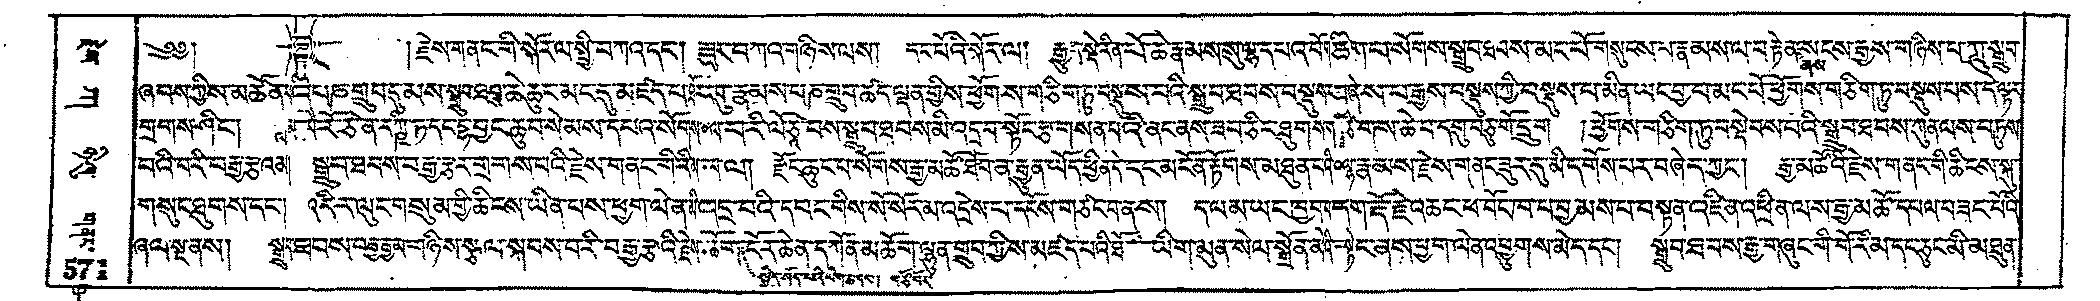༄༅། །རྗེས་གནང་གི་སྐོར་ལ་སྤྱི་བཀའ་དང་། ཟུར་བཀའ་གཉིས་ལས། དང་པོའི་སྐོར་ལ། རྒྱུད་སྡེ་རིན་པོ་ཆེ་རྣམས་སུ་ལྷ་དཔའ་བོ་གཅིག་པ་སོགས་སྒྲུབ་ཐབས་མང་པོ་གསུངས་པ་རྣམས་ལ་བརྟེན་ནས་སངས་རྒྱས་གཉིས་པ་ཀླུ་སྒྲུབ་
ཞབས་ཀྱིས་མཚོན་པའི་པཎ་གྲུབ་དུ་མས་སྒྲུབ་ཐབས་ཆེ་ཆུང་མང་དུ་མཛད་པ་ཐོར་བུ་རྣམས་པན་གྲུབ་ཚད་ལྡན་གྱིས་ཕྱོགས་གཅིག་ཏུ་བསྡུས་པའི་སྒྲུབ་ཐབས་བསྡུས་པ་ཞེས་པ་རྒྱས་བསྡུས་ཀྱི་བསྡུས་པ་མིན་ཡང་བྱ་བ་མང་པོ་ཕྱོགས་གཅིག་ཏུ་བསྡུས་པས་དེ་ལྟར་
གྲགས་ཤིང་། ལ་མ་བཻ་རོ་ཙ་ན་རཀྵི་ཏ་དང་དྷ་བྱང་ཆུབ་སེམས་དཔའ་སོགས་ལ་བ་རི་ལོ་ཙཱ་བས་སྒྲུབ་ཐབས་མི་འདྲ་བ་སྟོང་རྩ་གསན་པའི་ནང་ནས་ཟབ་ཅིང་ཐུགས་གཙིགས་ཆེ་བ་དགུ་བཅུ་གོ་དྲུག །ཕྱོགས་གཅིག་ཏུ་བསྡེབས་པའི་སྒྲུབ་ཐབས་ཀུན་ལས་བཏུས་
པའི་བ་རི་བརྒྱ་ཙའམ། སྒྲུབ་ཐབས་བརྒྱ་རྩར་གྲགས་པའི་རྗེས་གནང་གི་རིམ་པ་ལ། རྫོང་ཅུང་བ་སོགས་རྒྱ་མཚོ་ཐོབ་ན་རྒྱུན་ཡོད་ཕན་དེ་དང་མངོན་རྟོགས་མཐུན་པའི་ལྷ་རྣམས་རྗེས་གནང་ཟུར་དུ་མི་དགོས་པར་བཞེད་ཀྱང་། རྒྱ་མཚོ་རྗེས་གང་གི་ཅིངས་སྐུ་
གསང་ཚུགས་དང་། དིར་ལུང་གསུམ་གྱི་ཆིངས་ཡིན་པས་ཕྱག་ལེན་མི་དྲ་བའི་དབང་གིས་སོ་སོར་མ་འདྲས་པ་དངོས་གཙང་བ་དང་། ད་ལ་མ་ཡང་ཁྱབ་བདག་རྡོ་རྗེ་ཆང་ཕ་བོང་ཁ་པ་བྱམས་པ་བསྟན་ཛིན་འཕྲིན་ལས་རྒྱ་མཚོ་དཔལ་བཟང་པོའི་
ཞལ་སྔ་ནས། སྒྲུབ་ཐབས་བརྒྱ་རྒྱམ་གཉིས་སྩལ་སྐབས་བ་རི་བརྒྱ་རྩའི་རྗེས་ཆོག་སྐྱེད་ཤོད་པའི་ཡིག་ཆ་དང་། གཙོ་བོར་དོར་ཆེན་དཀོན་མཆོག་ལྷུན་གྲུབ་ཀྱིས་མཛད་པའི་ཐོ་ཡིག་མུན་སེལ་སྒྲོན་མེའི་སྟེང་ནས་ཕྱག་ལེན་འཕྱུགས་མེད་དང་། སྒྲུབ་ཐབས་རྒྱ་གཟུང་གི་གོ་རིམ་དང་ཆུང་མི་མཐུན་